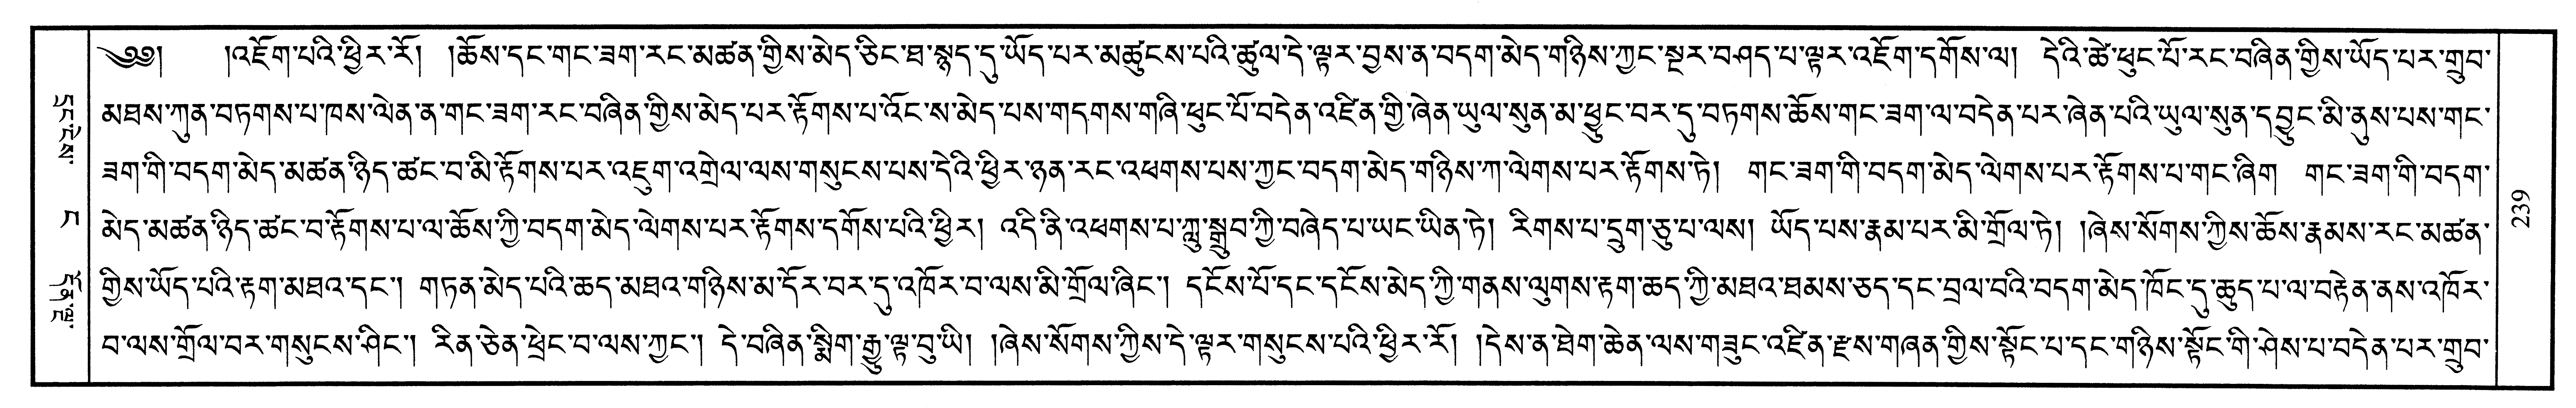༄༅། །འཇོག་པའི་ཕྱིར་རོ། །ཆོས་དང་གང་ཟག་རང་མཚན་གྱིས་མེད་ཅིང་ཐ་སྙད་དུ་ཡོད་པར་མཚུངས་པའི་ཚུལ་དེ་ལྟར་བྱས་ན་བདག་མེད་གཉིས་ཀྱང་སྔར་བཤད་པ་ལྟར་འཇོག་དགོས་ལ། དེའི་ཚེ་ཕུང་པོ་རང་བཞིན་གྱིས་ཡོད་པར་གྲུབ་
མཐས་ཀུན་བཏགས་པ་ཁས་ལེན་ན་གང་ཟག་རང་བཞིན་གྱིས་མེད་པར་རྟོགས་པ་འོང་ས་མེད་པས་གདགས་གཞི་ཕུང་པོ་བདེན་འཛིན་གྱི་ཞེན་ཡུལ་སུན་མ་ཕྱུང་བར་དུ་བཏགས་ཆོས་གང་ཟག་ལ་བདེན་པར་ཞེན་པའི་ཡུལ་སུན་དབྱུང་མི་ནུས་པས་གང་
ཟག་གི་བདག་མེད་མཚན་ཉིད་ཚང་བ་མི་རྟོགས་པར་འཇུག་འགྲེལ་ལས་གསུངས་པས་དེའི་ཕྱིར་ཉན་རང་འཕགས་པས་ཀྱང་བདག་མེད་གཉིས་ཀ་ལེགས་པར་རྟོགས་ཏེ། གང་ཟག་གི་བདག་མེད་ལེགས་པར་རྟོགས་པ་གང་ཞིག །གང་ཟག་གི་བདག་
མེད་མཚན་ཉིད་ཚང་བ་རྟོགས་པ་ལ་ཆོས་ཀྱི་བདག་མེད་ལེགས་པར་རྟོགས་དགོས་པའི་ཕྱིར། འདི་ནི་འཕགས་པ་ཀླུ་སྒྲུབ་ཀྱི་བཞེད་པ་ཡང་ཡིན་ཏེ། རིགས་པ་དྲུག་ཅུ་པ་ལས། ཡོད་པས་རྣམ་པར་མི་གྲོལ་ཏེ། །ཞེས་སོགས་ཀྱིས་ཆོས་རྣམས་རང་མཚན་
གྱིས་ཡོད་པའི་རྟག་མཐའ་དང་། གཏན་མེད་པའི་ཆད་མཐའ་གཉིས་མ་དོར་བར་དུ་འཁོར་བ་ལས་མི་གྲོལ་ཞིང་། དངོས་པོ་དང་དངོས་མེད་ཀྱི་གནས་ལུགས་རྟག་ཆད་ཀྱི་མཐའ་ཐམས་ཅད་དང་བྲལ་བའི་བདག་མེད་ཁོང་དུ་ཆུད་པ་ལ་བརྟེན་ནས་འཁོར་
བ་ལས་གྲོལ་བར་གསུངས་ཤིང་། རིན་ཅེན་ཕྲེང་བ་ལས་ཀྱང་། དེ་བཞིན་སྨིག་རྒྱུ་ལྟ་བུ་ཡི། །ཞེས་སོགས་ཀྱིས་དེ་ལྟར་གསུངས་པའི་ཕྱིར་རོ། །དེས་ན་ཐེག་ཆེན་ལས་གཟུང་འཛིན་རྫས་གཞན་གྱིས་སྟོང་པ་དང་གཉིས་སྟོང་གི་ཤེས་པ་བདེན་པར་གྲུབ་